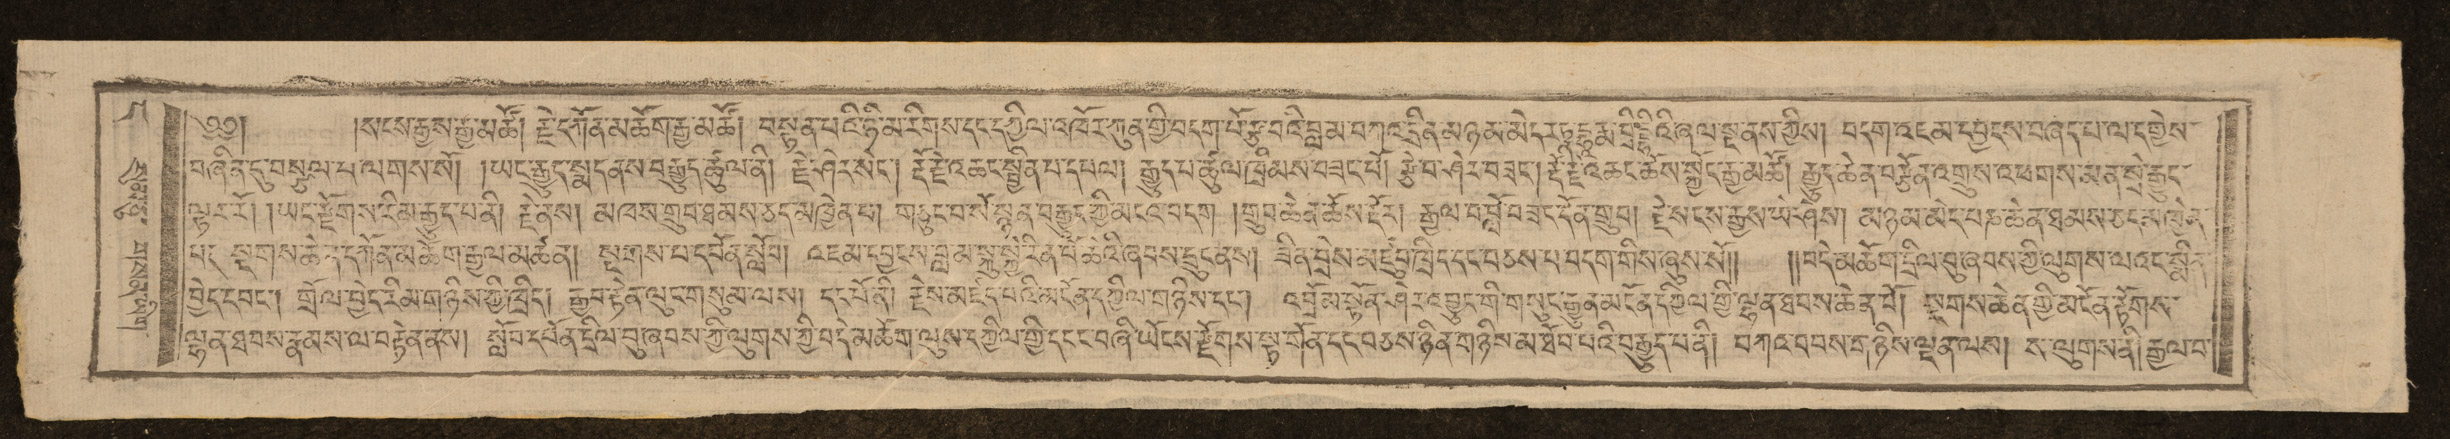༄༅། །སངས་རྒྱས་རྒྱ་མཚོ། རྗེ་དཀོན་མཆོག་རྒྱ་མཚོ། བསྟན་པའི་ཉི་མ་རིགས་དང་དཀྱིལ་འཁོར་ཀུན་གྱི་བདག་པོ་རྩ་བའི་བླ་མ་བཀའ་དྲིན་མཉམ་མེད་རཏྣ་དྷཱརྨ་བྲིདྡྷིའི་ཞལ་སྔ་ནས་ཀྱིས། བདག་འཇམ་དབྱངས་བཞད་པ་ལ་དགྱེས་
བཞིན་དུ་བསྩལ་པ་ལགས་སོ། །ཡང་རྒྱུད་སྨད་ནས་བརྒྱུད་ཚུལ་ནི། རྗེ་ཤེར་སེང་། རྡོ་རྗེ་འཆང་སྦྱིན་པ་དཔལ། རྒྱུད་པ་ཚུལ་ཁྲིམས་བཟང་པོ། རྩེ་བ་ཤེར་བཟང་། རྡོ་རྗེ་འཆང་ཆོས་སྐྱོང་རྒྱ་མཚོ། རྒྱུད་ཆེན་བརྩོན་འགྲུས་འཕགས་མན་སྲེ་རྒྱུད་
ལྟར་རོ། །ཡང་རྫོགས་རིམ་རྒྱུད་པ་ནི། རྗེ་ནས། མཁས་གྲུབ་ཐམས་ཅད་མཁྱེན་པ། གཅུང་བ་སོ་སྙན་བརྒྱུད་ཀྱི་མངའ་བདག །གྲུབ་ཆེན་ཆོས་རྡོར། རྒྱལ་བ་བློ་བཟང་དོན་གྲུབ། རྗེ་སངས་རྒྱས་ཡེ་ཤེས། མཉམ་མེད་པཎ་ཆེན་ཐམས་ཅད་མཁྱེན་
པ༑ སྔགས་ཆེན་དཀོན་མཆོག་རྒྱལ་མཚན། སྔགས་པ་དབོན་སློབ། འཇམ་དབྱངས་བླ་མ་སྐུ་སྐྱེ་རིན་པོ་ཆེའི་ཞབས་དྲུང་ནས། ཟིན་བྲིས་མ་ཛུབ་ཁྲིད་དང་བཅས་པ་བདག་གིས་ཞུས་སོ།། །།བདེ་མཆོག་དྲིལ་བུ་ཞབས་ཀྱི་ལུགས་ལའང་སྨིན་
བྱེད་དབང་། གྲོལ་བྱེད་རིམ་གཉིས་ཀྱི་ཁྲིད། རྒྱལ་རྟེན་ལུང་གསུམ་ལས། དང་པོ་ནི། རྗེས་མཛད་པའི་མངོན་དཀྱིལ་གཉིས་དང་། འབྲོམ་སྟོན་ཤེར་འབྱུང་གི་གསུང་རྒྱུན་མངོན་དཀྱིལ་གྱི་ལྷན་ཐབས་ཆེན་པོ། སྔགས་ཆེན་གྱི་མངོན་རྟོགས་
ལྷན་ཐབས་རྣམས་ལ་བརྟེན་ནས། སློབ་དཔོན་དྲིལ་བུ་ཞབས་ཀྱི་ལུགས་ཀྱི་བདེ་མཆོག་ལུས་དཀྱིལ་གྱི་དང་ང་བཞི་ཡོངས་རྫོགས་སྟ་གོན་དང་བཅས་ཉིན་གཉིས་མ་ཐོབ་པའི་བརྒྱུད་པ་ནི། བཀའ་བབས་གཉིས་ལྡན་ལས། ས་ལུགས་ནི། རྒྱལ་བ་